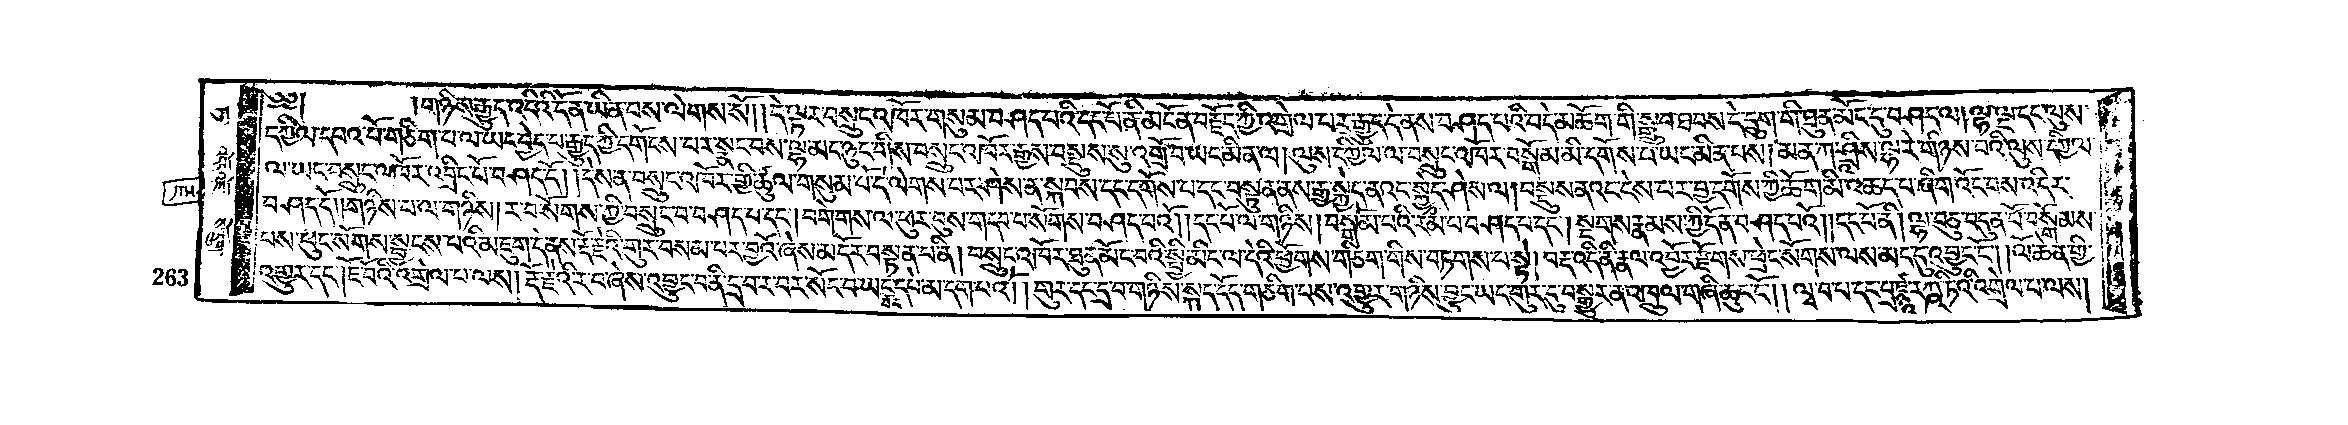༄༅། །གཉིས་རྒྱུད་འདིའི་དོན་ཡིན་པས་ལེགས་སོ། །དེ་ལྟར་བསྲུང་འཁོར་གསུམ་བཤད་པའི་དང་པོ་ནི་མངོན་བརྗོད་ཀྱི་འགྲེལ་པར་རྒྱུད་དེ་ནས་བཤད་པའི་བདེ་མཆོག་གི་སྒྲུབ་ཐབས་དེ་དྲུག་གི་ཐུན་མོང་དུ་བཤད་ལ། ལྷ་ལྔ་དང་ལུས་
དཀྱིལ་དཔའ་པོ་གཅིག་པ་ལ་ཡང་བྱེད་པ་རྒྱུད་ཀྱི་དགོངས་པར་སྣང་བས་ལྷ་མང་ཉུང་གིས་བསྲུང་འཁོར་རྒྱས་བསྡུས་སུ་འགྲོ་བ་ཡང་མིན་ལ། ལུས་དཀྱིལ་ལ་བསྲུང་འཁོར་བསྒོམ་མི་དགོས་པ་ཡང་མིན་པས། མ་ན་ཀ་ཤྲཱིས་ལྷ་རེ་གཉིས་པའི་ལུས་དཀྱིལ་
ལ་ཡང་བསྲུང་འཁོར་འབྲིང་པོ་བཤད་དོ། །དེས་ན་བསྲུང་འཁོར་གྱི་ཚུལ་གསུམ་པོ་དེ་ལེགས་པར་ཤེས་ན་སྐབས་དང་དགོས་པ་དང་བསྟུན་ནས་རྒྱ་སྐྱེད་ནའང་སྐྱེད་ཤེས་ལ། བསྡུས་ནའང་ངེས་པར་བྱ་དགོས་ཀྱི་ཆོ་ག་མི་འཆད་པ་ཞིག་འོང་བས་འདིར་
བཤད་དོ། །གཉིས་པ་ལ་གཉིས། ར་བ་སོགས་ཀྱི་བསྲུང་བ་བཤད་པ་དང་། བགེགས་ལ་ཕུར་བུས་གདབ་པ་སོགས་བཤད་པའོ། །དང་པོ་ལ་གཉིས། བསྒོམ་པའི་རིམ་པ་བཤད་པ་དང་། སྔགས་རྣམས་ཀྱི་དོན་བཤད་པའོ། །དང་པོ་ནི། ལྷ་བཅུ་བདུན་པོ་བསྒོམས་
པས་ཕུང་སོགས་སྦྱངས་པའི་མཇུག་དེ་ནས་རྡོ་རྗེའི་གུར་བསམ་པར་བྱའོ་ཞེས་མདོར་བསྟན་པ་ནི། བསྲུང་འཁོར་ཐུན་མོང་བའི་སྤྱི་མིང་ལ་དེའི་ཕྱོགས་གཅིག་གིས་བཏགས་པ་སྟེ། བརྡ་འདི་ནི་རྣལ་འབྱོར་རྫོགས་ཕྲེང་སོགས་ལས་མང་དུ་འབྱུང་ངོ། །ལོ་ཆེན་གྱི་
འགྱུར་དང་། ཇོ་བོའི་འགྲེལ་པ་ལས། རྡོ་རྗེའི་ར་བ་ཞེས་འབྱུང་བ་ནི་དྲ་བ་ར་བར་སོང་བ་ཡང་བོད་དཔེ་མ་དག་པའོ། །གུར་དང་དྲ་བ་གཉིས་སྐད་དོད་གཅིག་པས་འགྱུར་གཉིས་བྱུང་ཡང་གུར་དུ་བསྒྱུར་ན་འཁྲུལ་གཞི་ཆུང་ངོ། །ལྭ་བ་པ་དང་པྲཛྙཱ་རཀྵ་ཏིའི་འགྲེལ་པ་ལས།